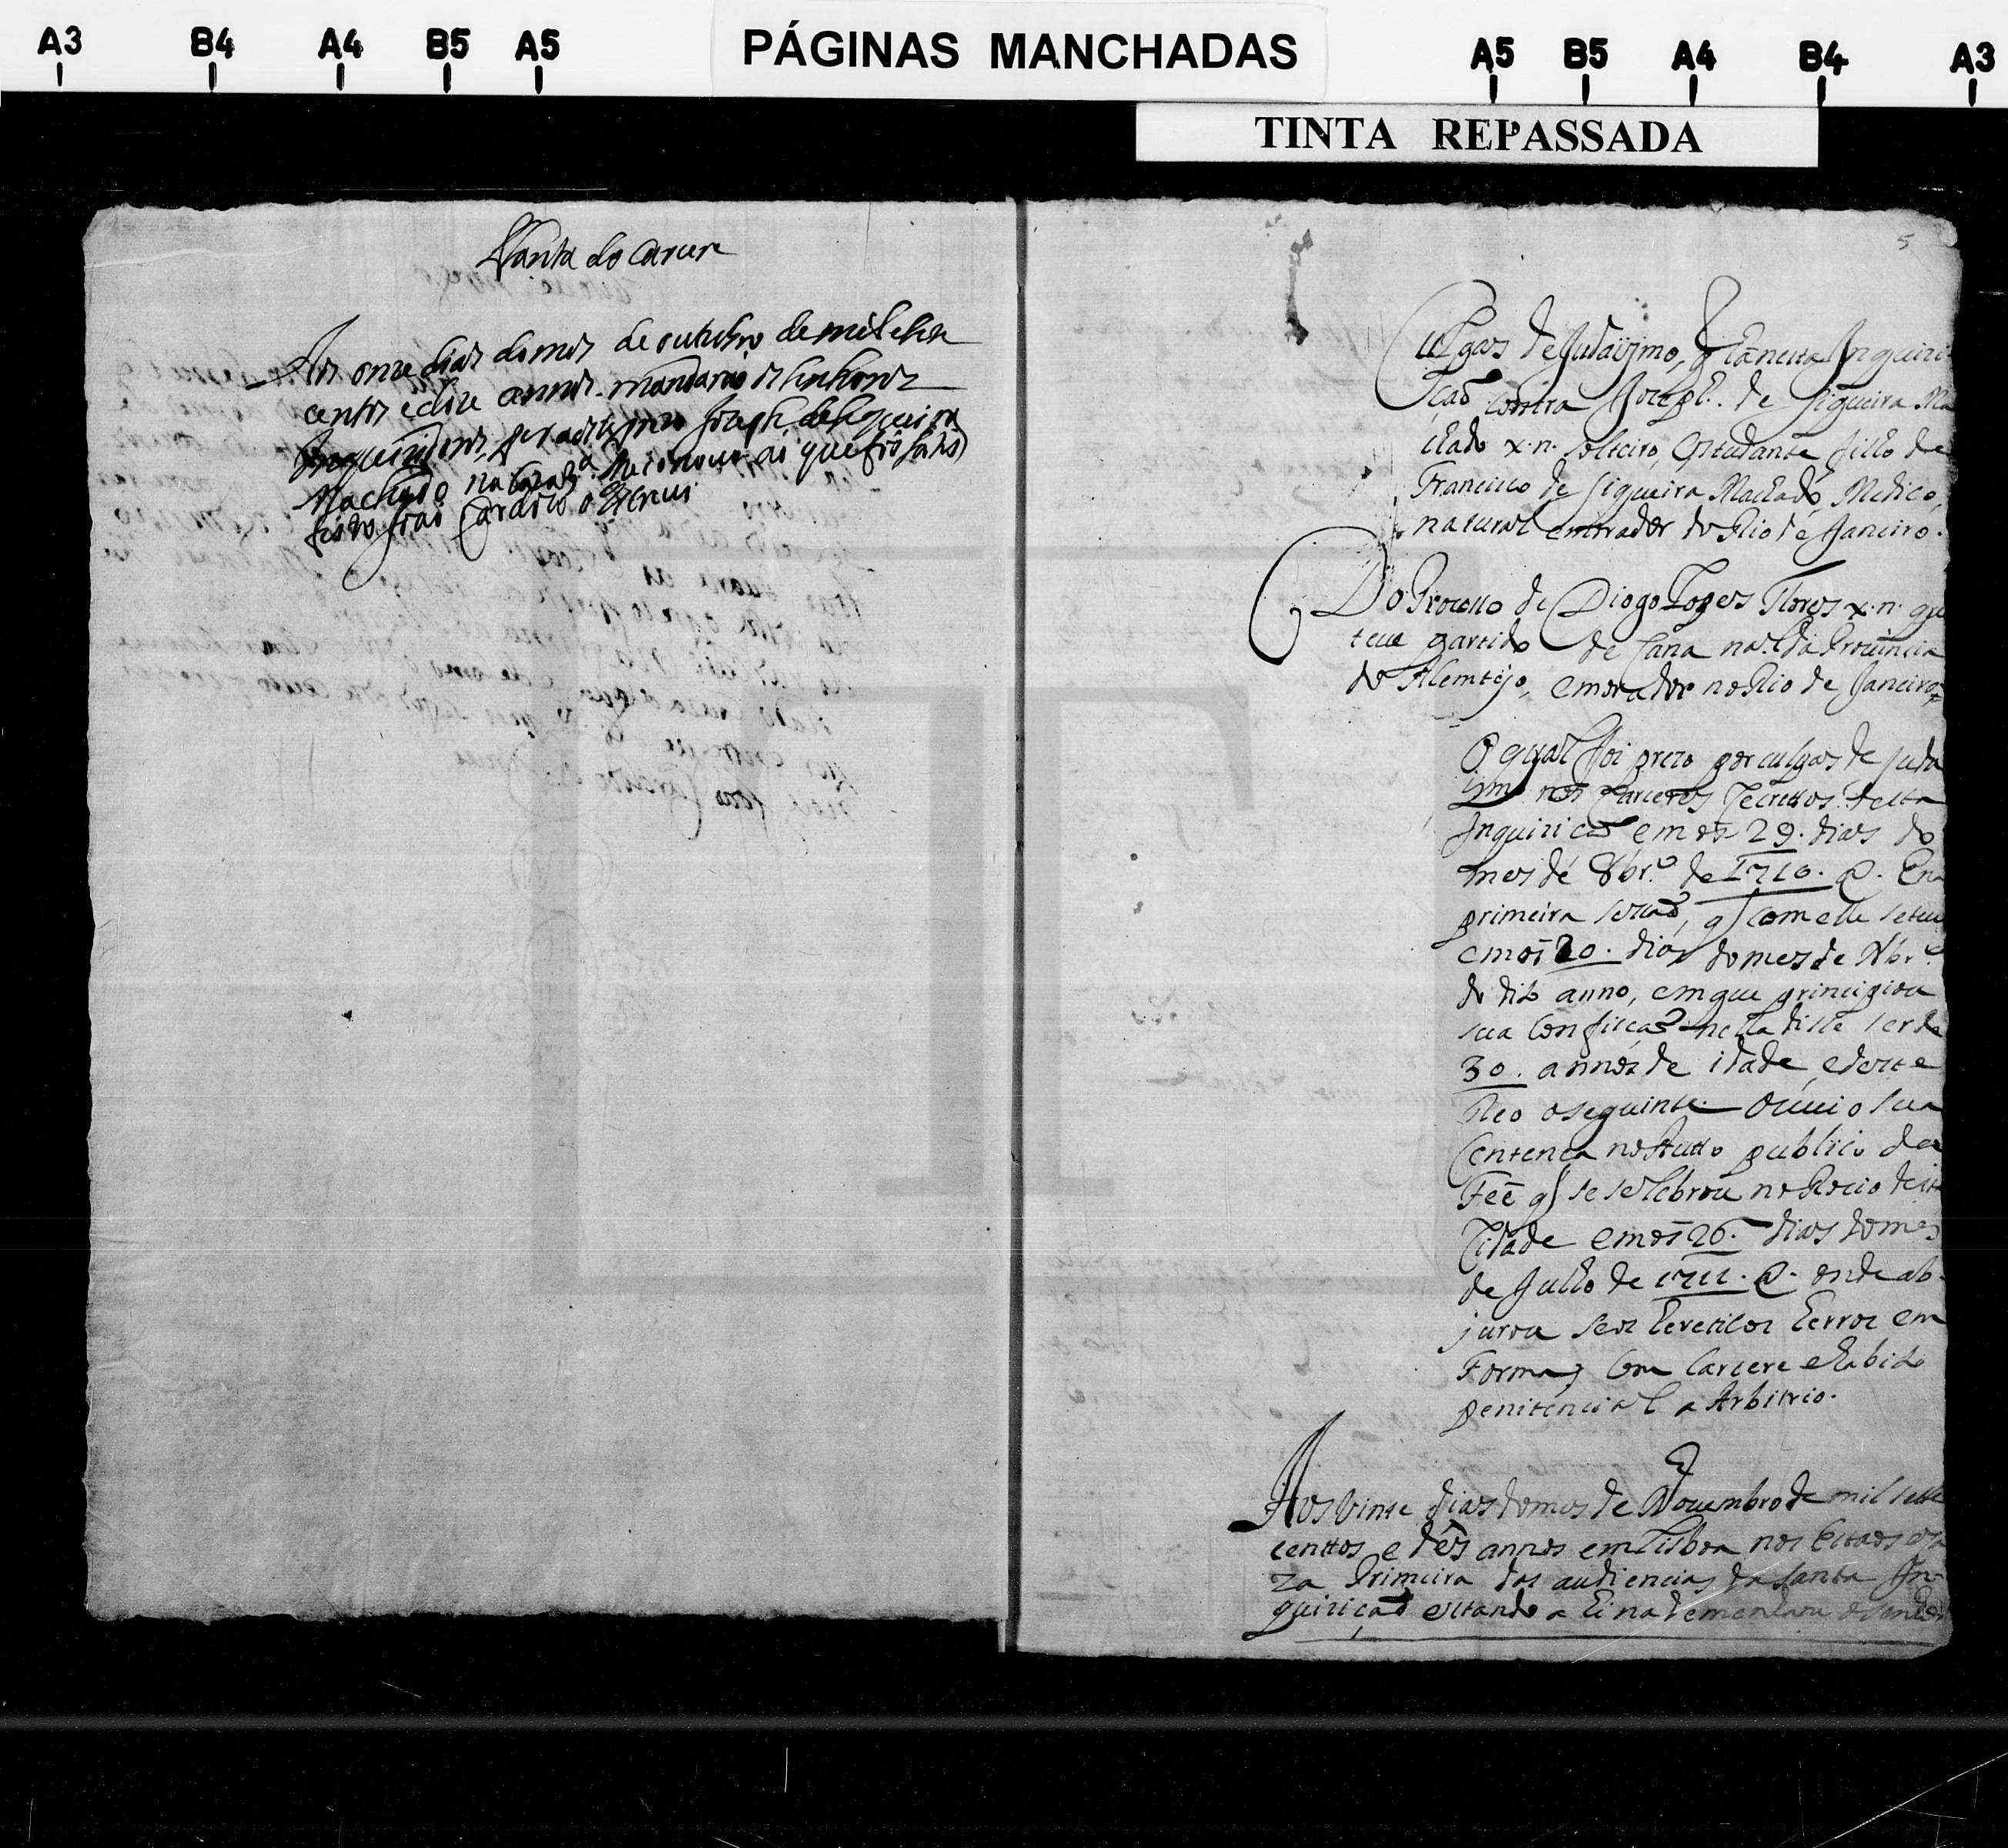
Planta do carcere
Aos onze dias do mes de outubro de mil e sete
centos, e doze annos. mandaraõ os Senhorez
Inquizidores, pera este prezo Jozeph de sequeira
Machado na caza 3a. Meio noua ao que foi satis
feito Joaõ Cardozo o Escreui
Culpas de Judaismo, q̄ há nesta Jnquizi
çaõ contra Jozeph. de siqueira Ma
chado x. n. solteiro, estudante filho de
Francisco de siqueira Machado, Medico,
natural e morador do Rio de Janeiro.
Do Processo de Diogo Lopes Flores x. n. qu
teue partido de Cana na.l da Prouincia
do Alemtejo, e morador no Rio de Janeiro,
O qual foi prezo por culpas de juda
ismo nos Carceres Cecrettos desta
Jnquisicaõ em os 29. dias do
mes de 8br.o de 1710. ā E na
primeira sessaõ, q̄ com elle se teu
em os 20. dias do mes de Nbr.o
do dito anno, em que principiou
sua confisçaõ nella disse ser de
30. annos de idade, e deste
Reo o seguinte. ouuio sua
Centença no Autto publico da
Feé q̄ se selebrou no Rocio dest
Cidade em os 26. dias do mes
de Julho de 1711. ā. onde ab
jurou seos hereticos herros em
Forma, com carcere e habito
penitencial a Arbitrio.
Aos vinte dias do mes de Nouembro de mil sette
centtos, e dês annos em Lisboa nos Estaos e Ca
za Primeira das audiencias da Santa Jn
quiziçaõ estando ahi na de menham o senhor
